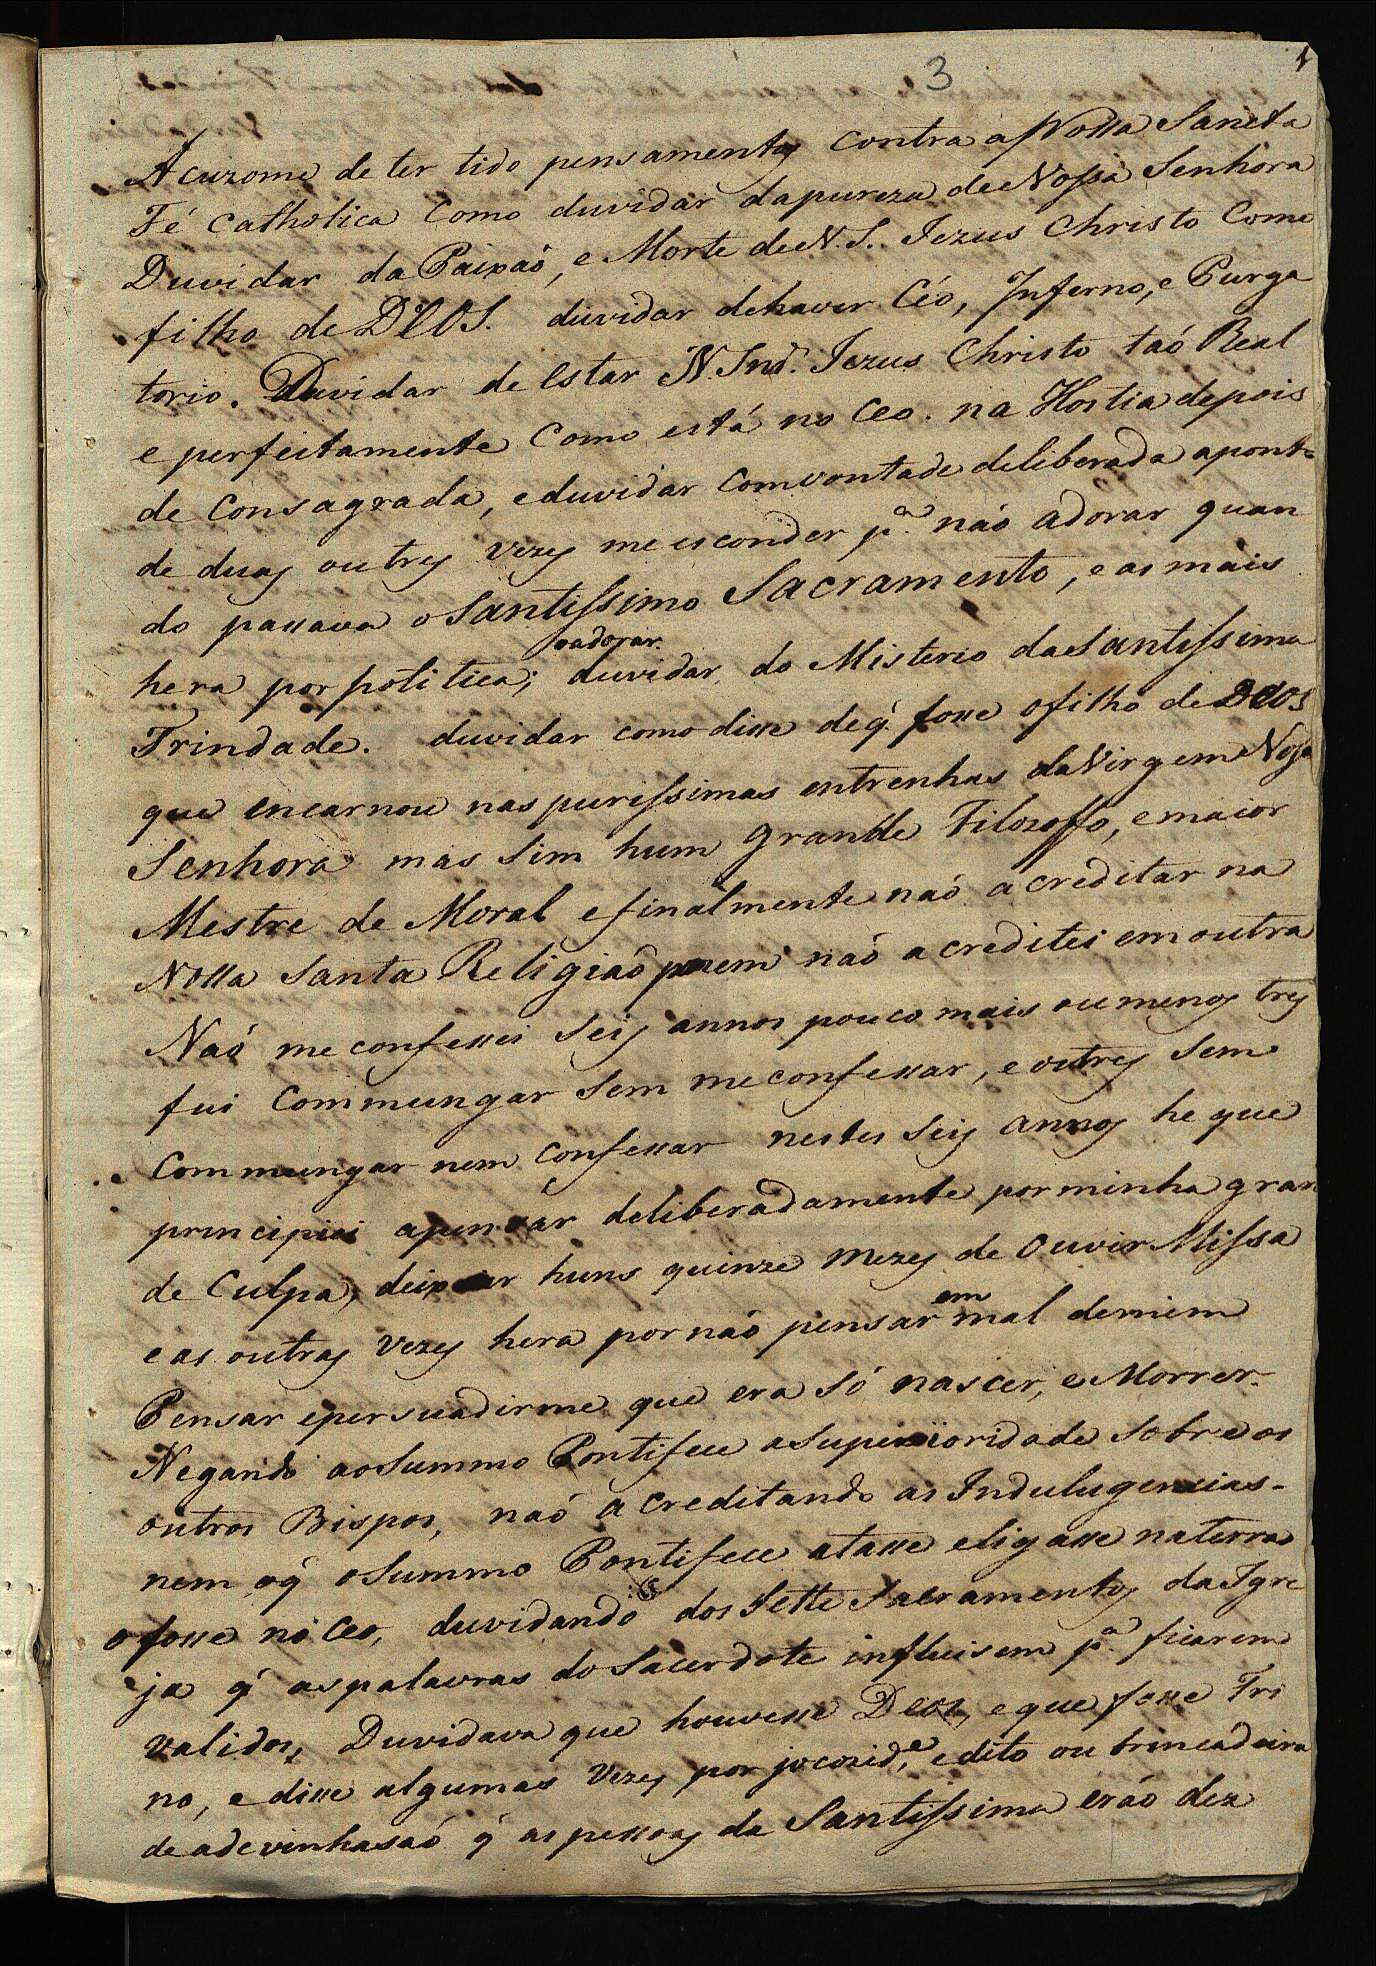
Acuzome de ter tido pensamentos contra a Nossa Sancta
Fé catholica como duvidar da pureza de Nossa Senhora
Duvidar da Paixaõ, e Morte de N. S. Iezus Christo Como
filho de DEOS. duvidar de haver Céo, Jnferno, e Purga
torio. Duvidar de estar N Snr̄. Iezus Christo taõ Real
e perfeitamente como está no ceo. na Hostia depois
de consagrada, e duvidar com vontade deliberada a ponto
de duas ou tres vezes me esconder p.a naõ adorar quan
do passava o Santissimo Sacramento, e as mais
o adorar
hera por potitica; duvidar do Misterio da Santissima
Trindade. duvidar como disse de q̄ fosse o filho de Deos
que encarnou nas purissimas entrenhas da Virgem Nosa
Senhora mas sim hum grande Filozoffo, e maior
Mestre de Moral e finalmente naõ acreditar na
Nossa Santa Religiaõ porem naõ acreditei em outra
Naõ me confessei seis annos pouco mais ou menos tres
fui commungar sem me confessar, e os tres sem
commungar nem confessar nestes seis annos he que
principiei a pensar deliberadamente por minha gran
de Culpa, deix_r huns quinze mezes de ouvir Missa
em
e as outras vezes hera por naõ pensar mal de mim
Pensar e persuadirme que era só nascer, e Morrer
Negando ao Summo Pontifece a Supirioridade sobre os
outros Bispos, naõ acreditando as Indulugencias
nem o q̄ o Summo Pontifece atasse e ligasse na terra
o fosse no ceo, duvidando dos sette sacramentos da Igre
ja q̄ as palavras do sacerdote influisem p.a ficarem
validos, Duvidava que houvesse Deos, e que fosse Tri
no, e disse algumas vezes por jocozid.e, e dito ou brincadeira
de adevinhasaõ q̄ as pessoas da Santissima eraõ dez
